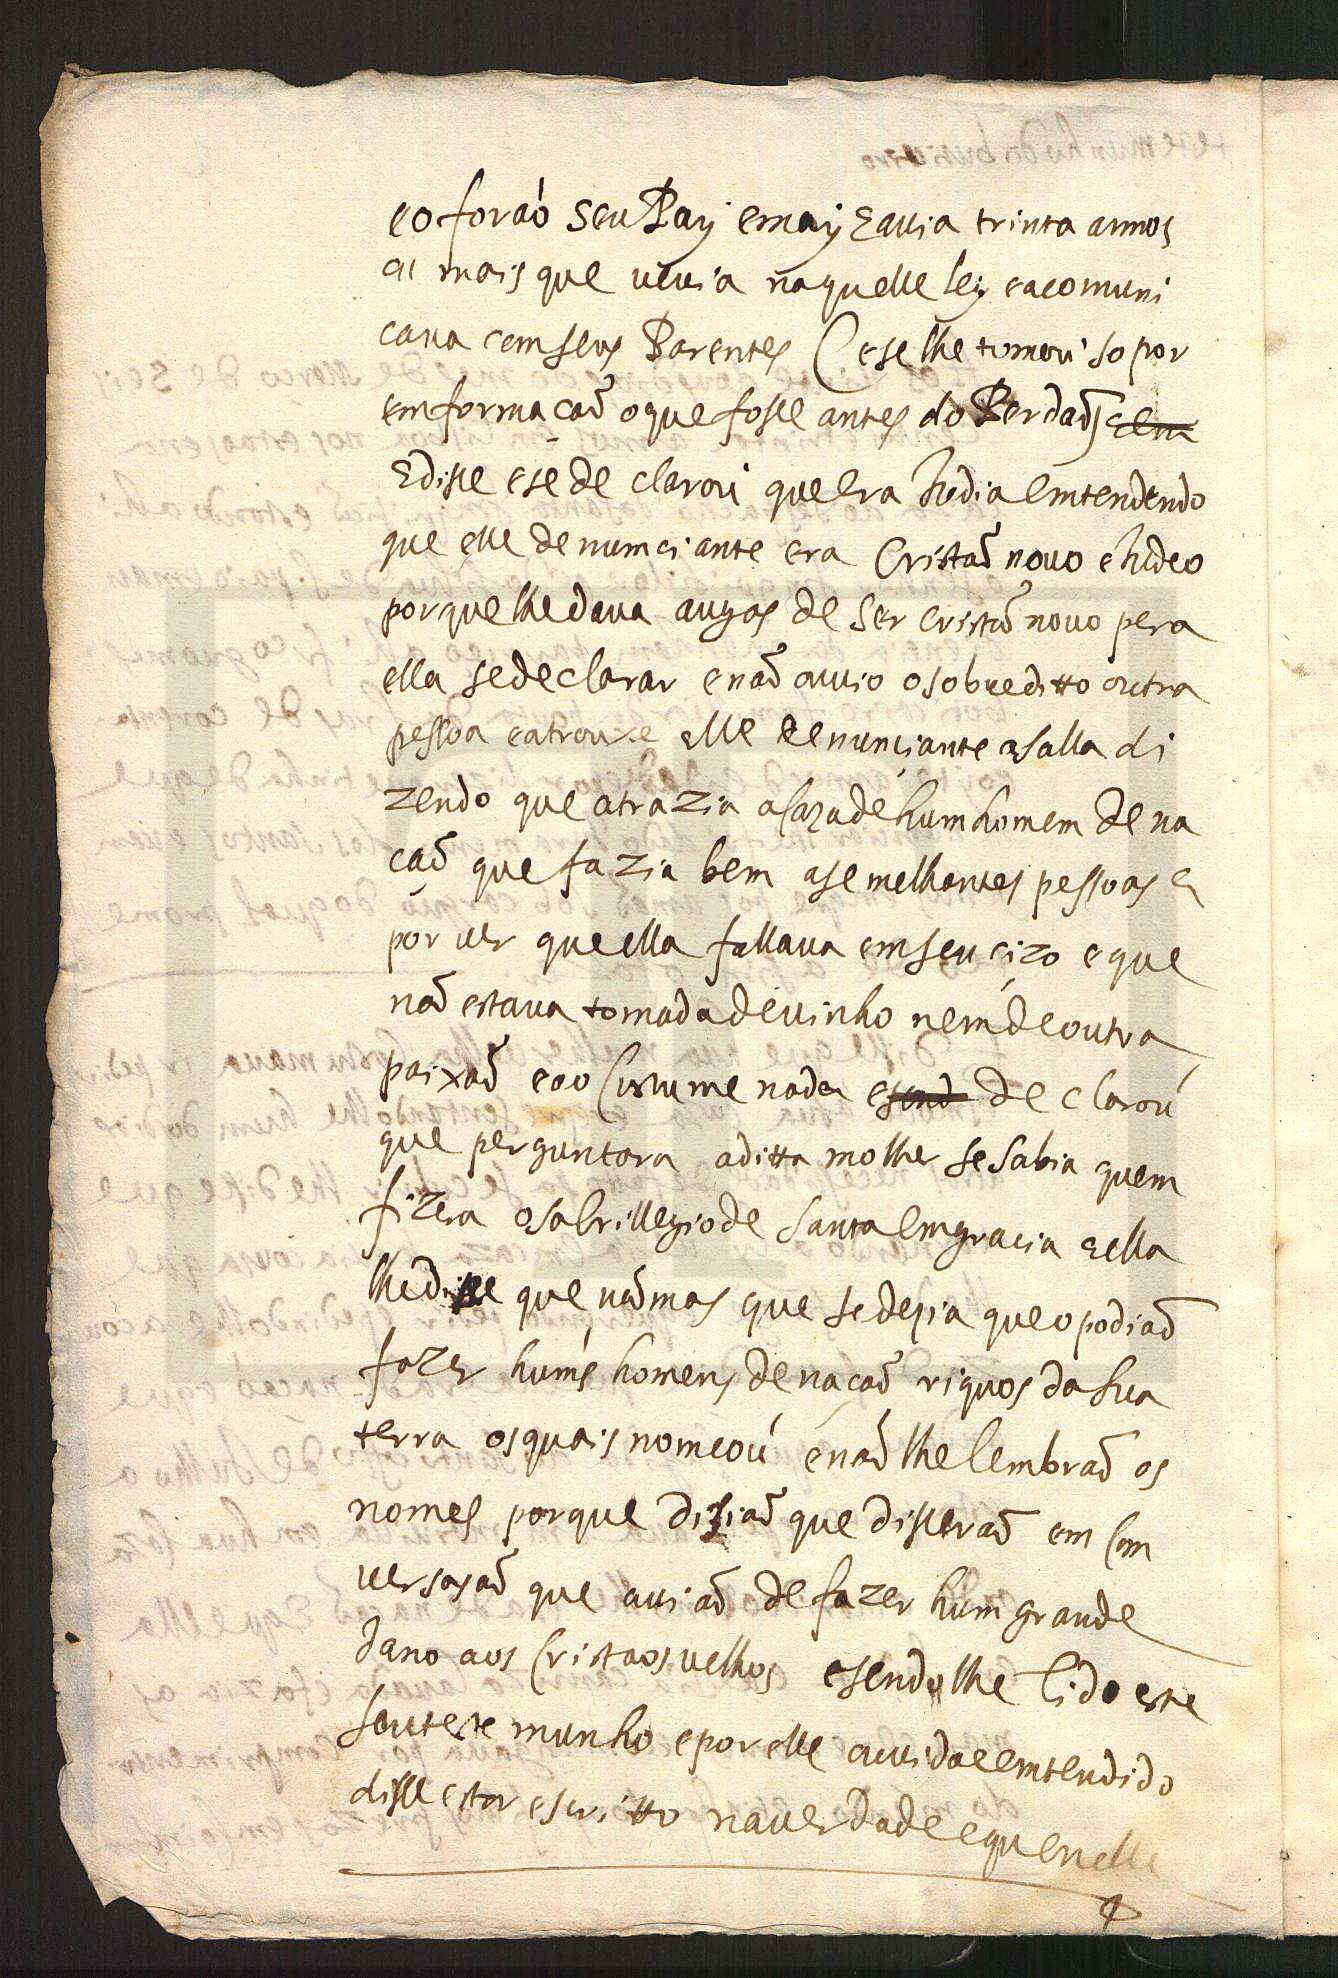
e o foraõ seu Pay e may E auia trinta annos
as mais que ueuia naquelle ley e a comuni
caua com seus Parentes (e se lhe tomou so por
emformaçaõ o que fosse antes do Perdaõ) E em
E disse e se declarou que era Iudia emtendendo
que elle denumciante era Cristaõ nouo e Iudeo
porque lhe daua augas de ser cristaõ nouo pera
ella se declarar e naõ ouuio o sobreditto outra
pessoa e a trouxe elle denunciante a salla di
zendo que a trazia a Caza de hum homem de na
çaõ que fazia bem a semelhantes pessoas e
por uer que ella fallaua em seu cizo e que
naõ estaua tomada de uinho nem de outra
paixaõ e ao Custume nada e send declarou
que perguntara a ditta molher se sabia quem
fizera o sacrillegio de Santa emgracia E ella
lhe disse que nã mas que se dezia que o podiaõ
fazer hums homens de naçaõ riquos da sua
terra os quais nomeou e naõ lhe lembraõ os
nomes porque disiaõ que disseraõ em Com
uersasaõ que auiaõ de fazer hum grande
dano aos Cristaos uelhos e sendolhe lido este
seu testemunho e por elle ouuido e emtendido
disse estar por escritto na uerdade e que nelle
